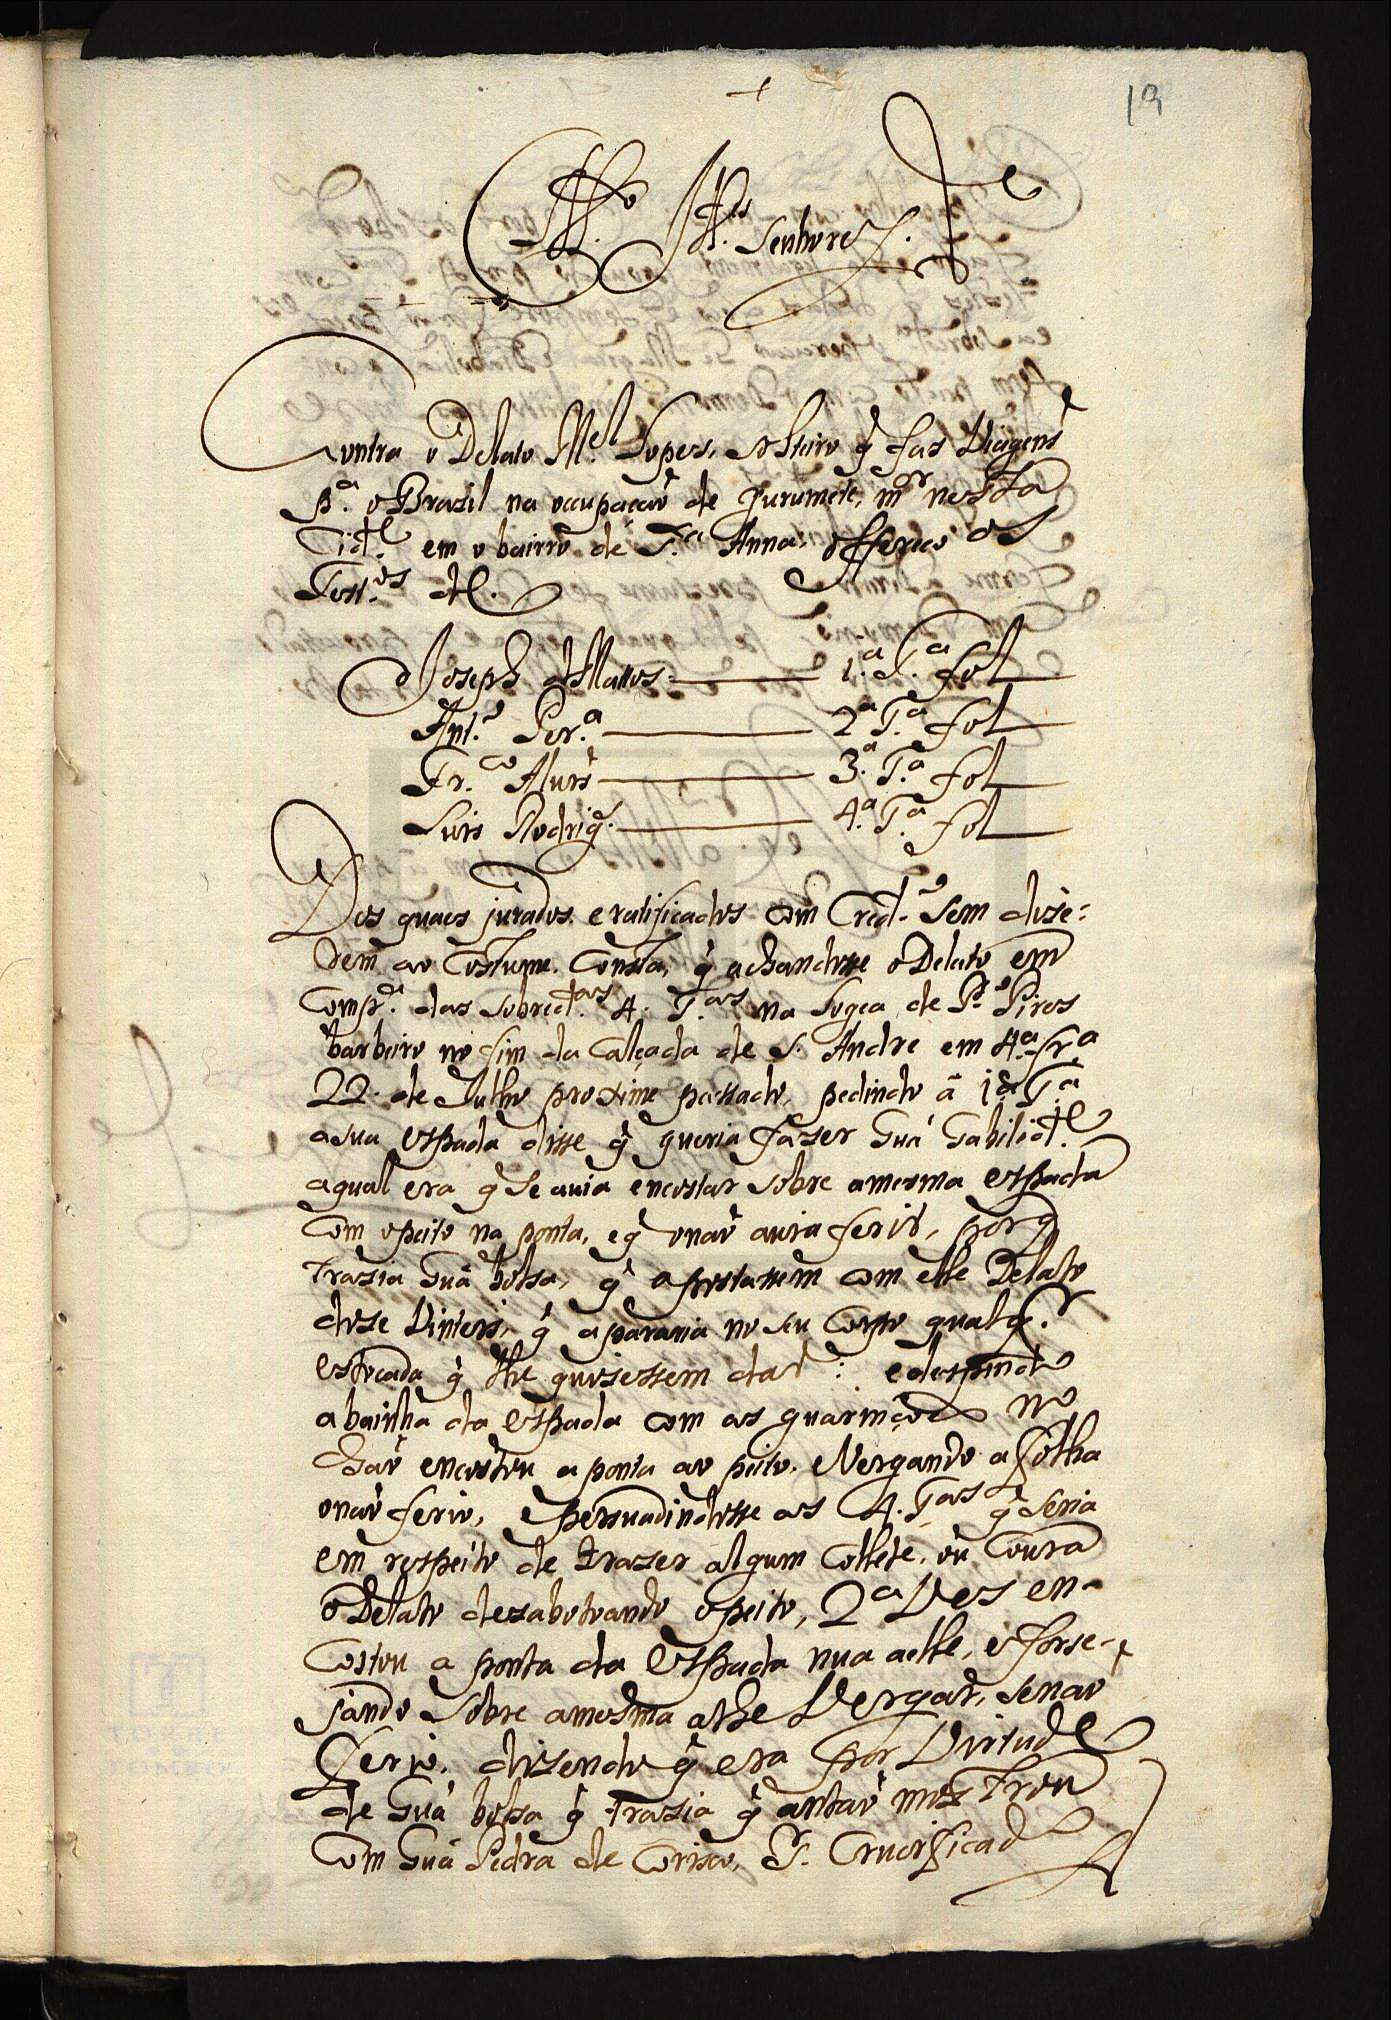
M.to Ill.os Senhores.
Contra o Delato M.el Lopes, solteiro q̄ faz Viagens̄
p.a o Brazil na occupaçaõ de gurumete, mor nesta
Cid̄.e em o bairro de S.ta Anna offereco os
Test.os de.
Joseph de Mattos ‒ 1.a T.a foL
Ant.o Per.a ‒ 2a T.a foL
Fr.co Alurs̄ - 3.a T.a foL
Luis Rodriḡ. ‒ 4.a T.a foL
Dos quaes jurados e ratificados com Cred̄. sem dize
rem ao Costume. Consta, q̄ achandosse o Delato em
Comp.a das sobred̄.as 4. T.as na logea de P.o Pires
barbeiro no fim da Calçada de S. Andre em 4.a fr.a
22. de Iulho proxime passado, pedindo à i.a T.a
a sua espada disse q̄ queria fazer huā habilid̄.e
a qual era q̄ se auia encostar sobre a mesma espada
Com o peito na ponta, e q̄ o naõ auia ferir, porq̄
trazia huā bolsa, q̄ apostassem com elle Delato
doze Vinteis, q̄ apararia no seu Corpo qualq.r
estocada q̄ lhe quisessem dar: e despindo
a bainha da espada com as guarnições no
chaõ encostou a ponta ao peito. e Vergando a folha
o naõ ferio, e persuadindosse as 4. Tas q̄ seria
em respeito de trazer algum Collete, ou Coura
o Delato dezabotoando o peito, 2a Ves en
Costou a ponta da espada nua a elle, e forse
jando sobre a mesma athe Vergar, se naõ
ferio, dizendo q̄ era por Virtude
de huā bolsa q̄ trazia q̄ antaõ mostrou
Com huā Pedra de Corisco, S.r Crucificado
